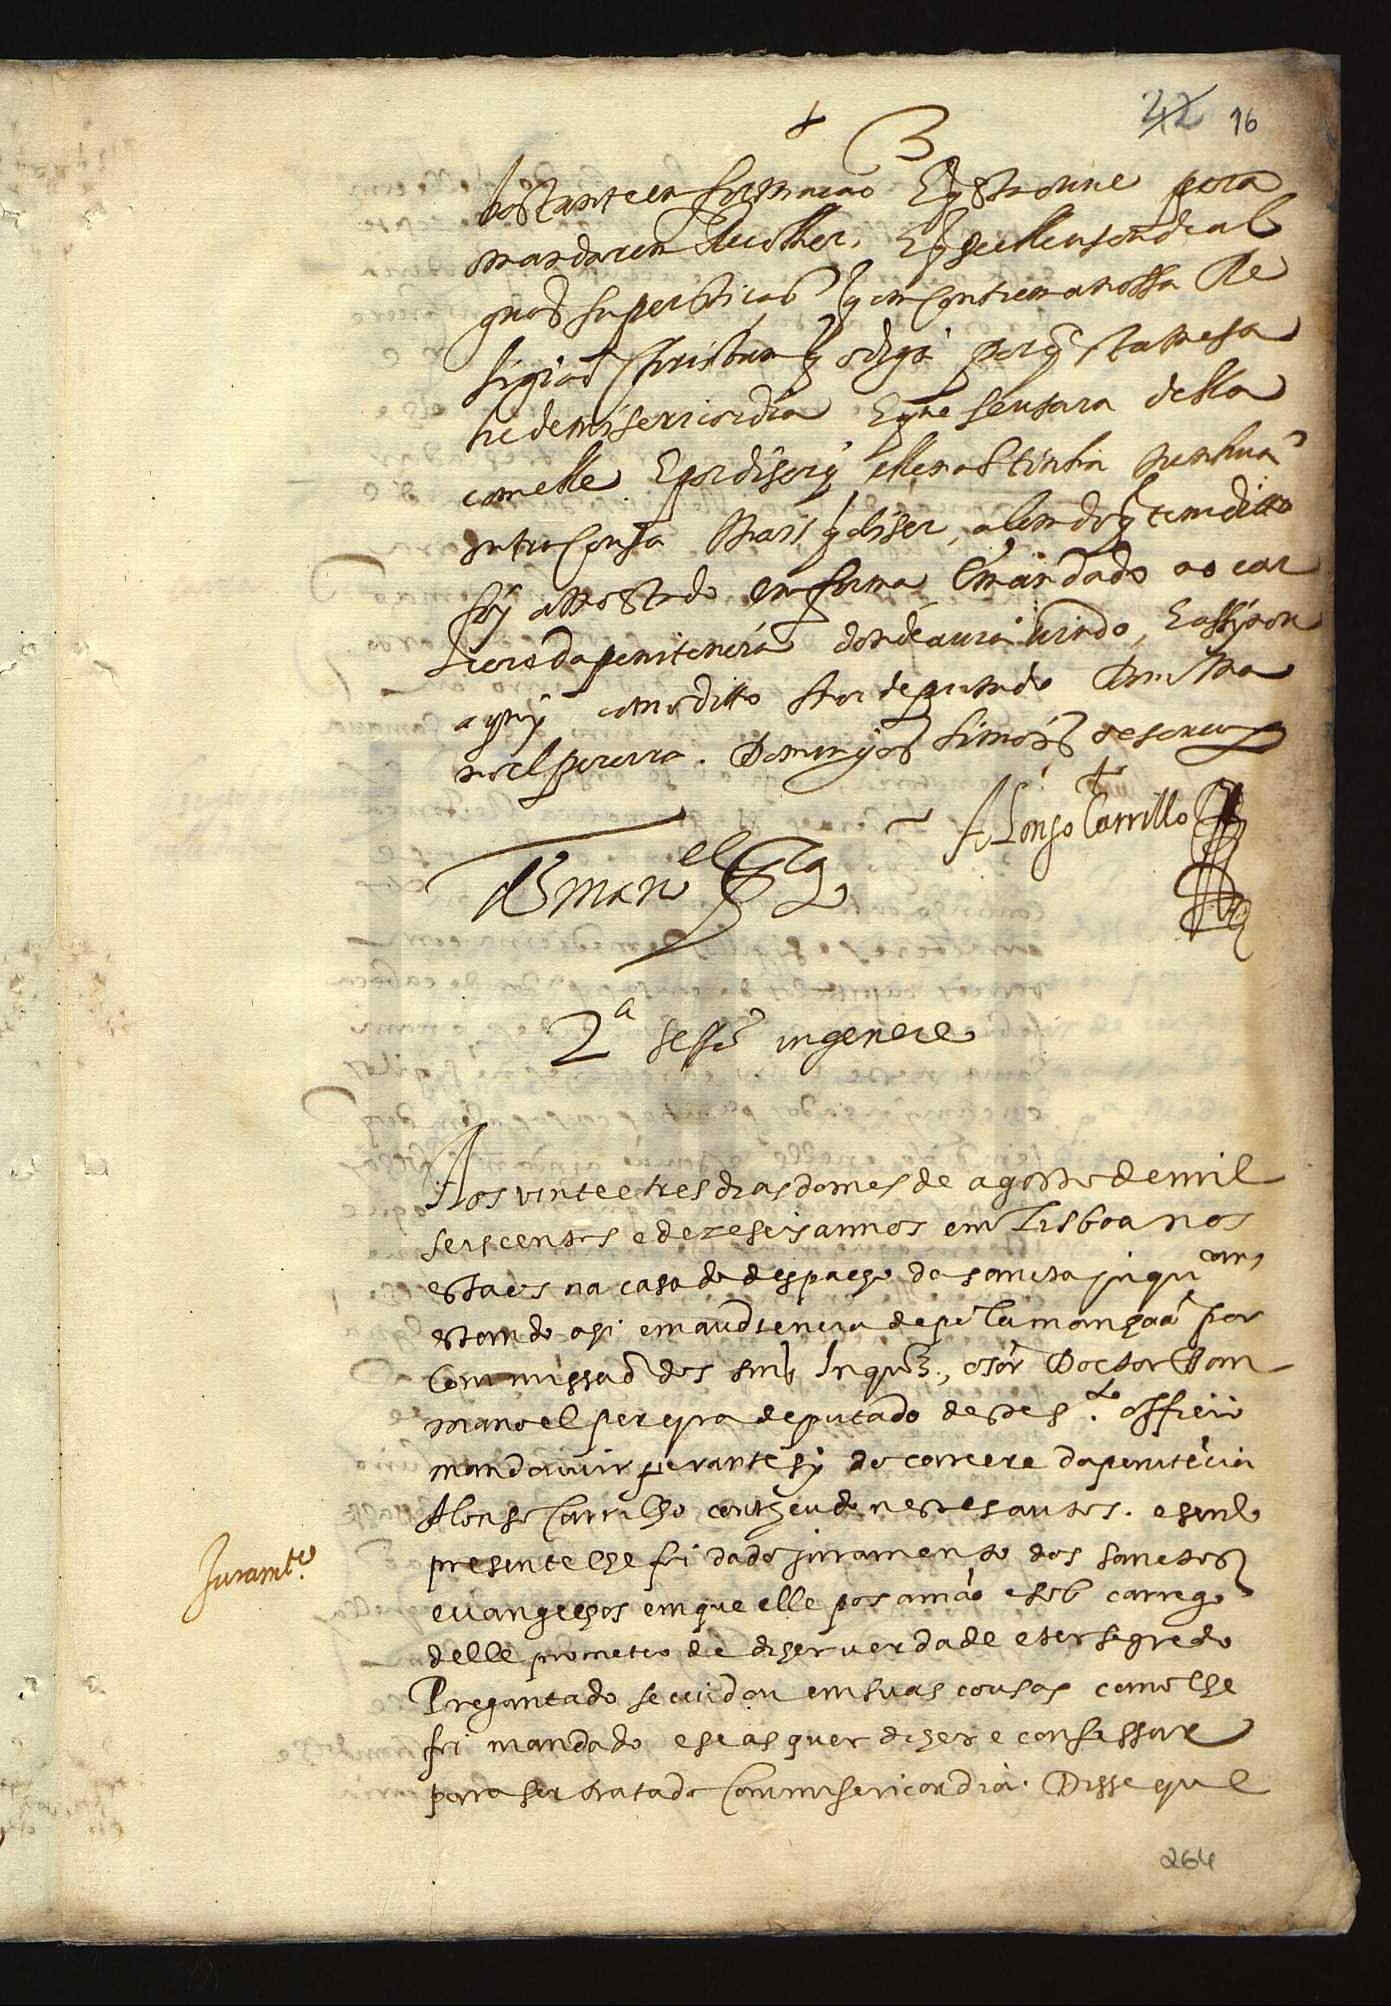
Juramt.o
bastante enformaçaõ E q̄ esta ouue pera
o mandarem Recolher, E q̄ se elle entende al
guas̄ superstiçaõ q̄ emContrem a nossa Re
Ligiaõ Christam q̄ o diga porq̄ esta mesa
he de misericordia E que se usara della
com elle E por diser q̄ elle naõ tinha nenhuā
outra Cousa Mais q̄ diser, alem do q̄ tem ditto
foy amoestado em forma & mandado ao car
cere da penitencia donde auia uindo, E assynou
aquy com o ditto sn̄or deputado Dom Ma
noel pereira. Domingos Simois o escreuj
Alonso Carrillo
dō manoel pra
2a sessaõ in genere
Aos vinte e tres dias do mes de agosto de mil
seiscentos e dezeseis annos em Lisboa nos
estaos na casa do despacho da samcta jnquçam
estando ahi em audiencia de pela manhaā por
commissaõ dos snrs̄ Inquēs, o sōr Doctor Dom
manoel perejra deputado deste st.o officio
mandou uir perante sy do carcere da penitēcia
Alonso Carrilho contheudo nestes autos. e sendo
presente lhe foi dado juramento dos sanctos
euangelhos em que elle pos a maõ e sob carrego
delle prometeo de dizer uerdade e ter segredo
Preguntado se cuidou em suas cousas como lhe
foi mandado e se as quer dizer e confessar
para ser tratado Com misericordia. Disse que
